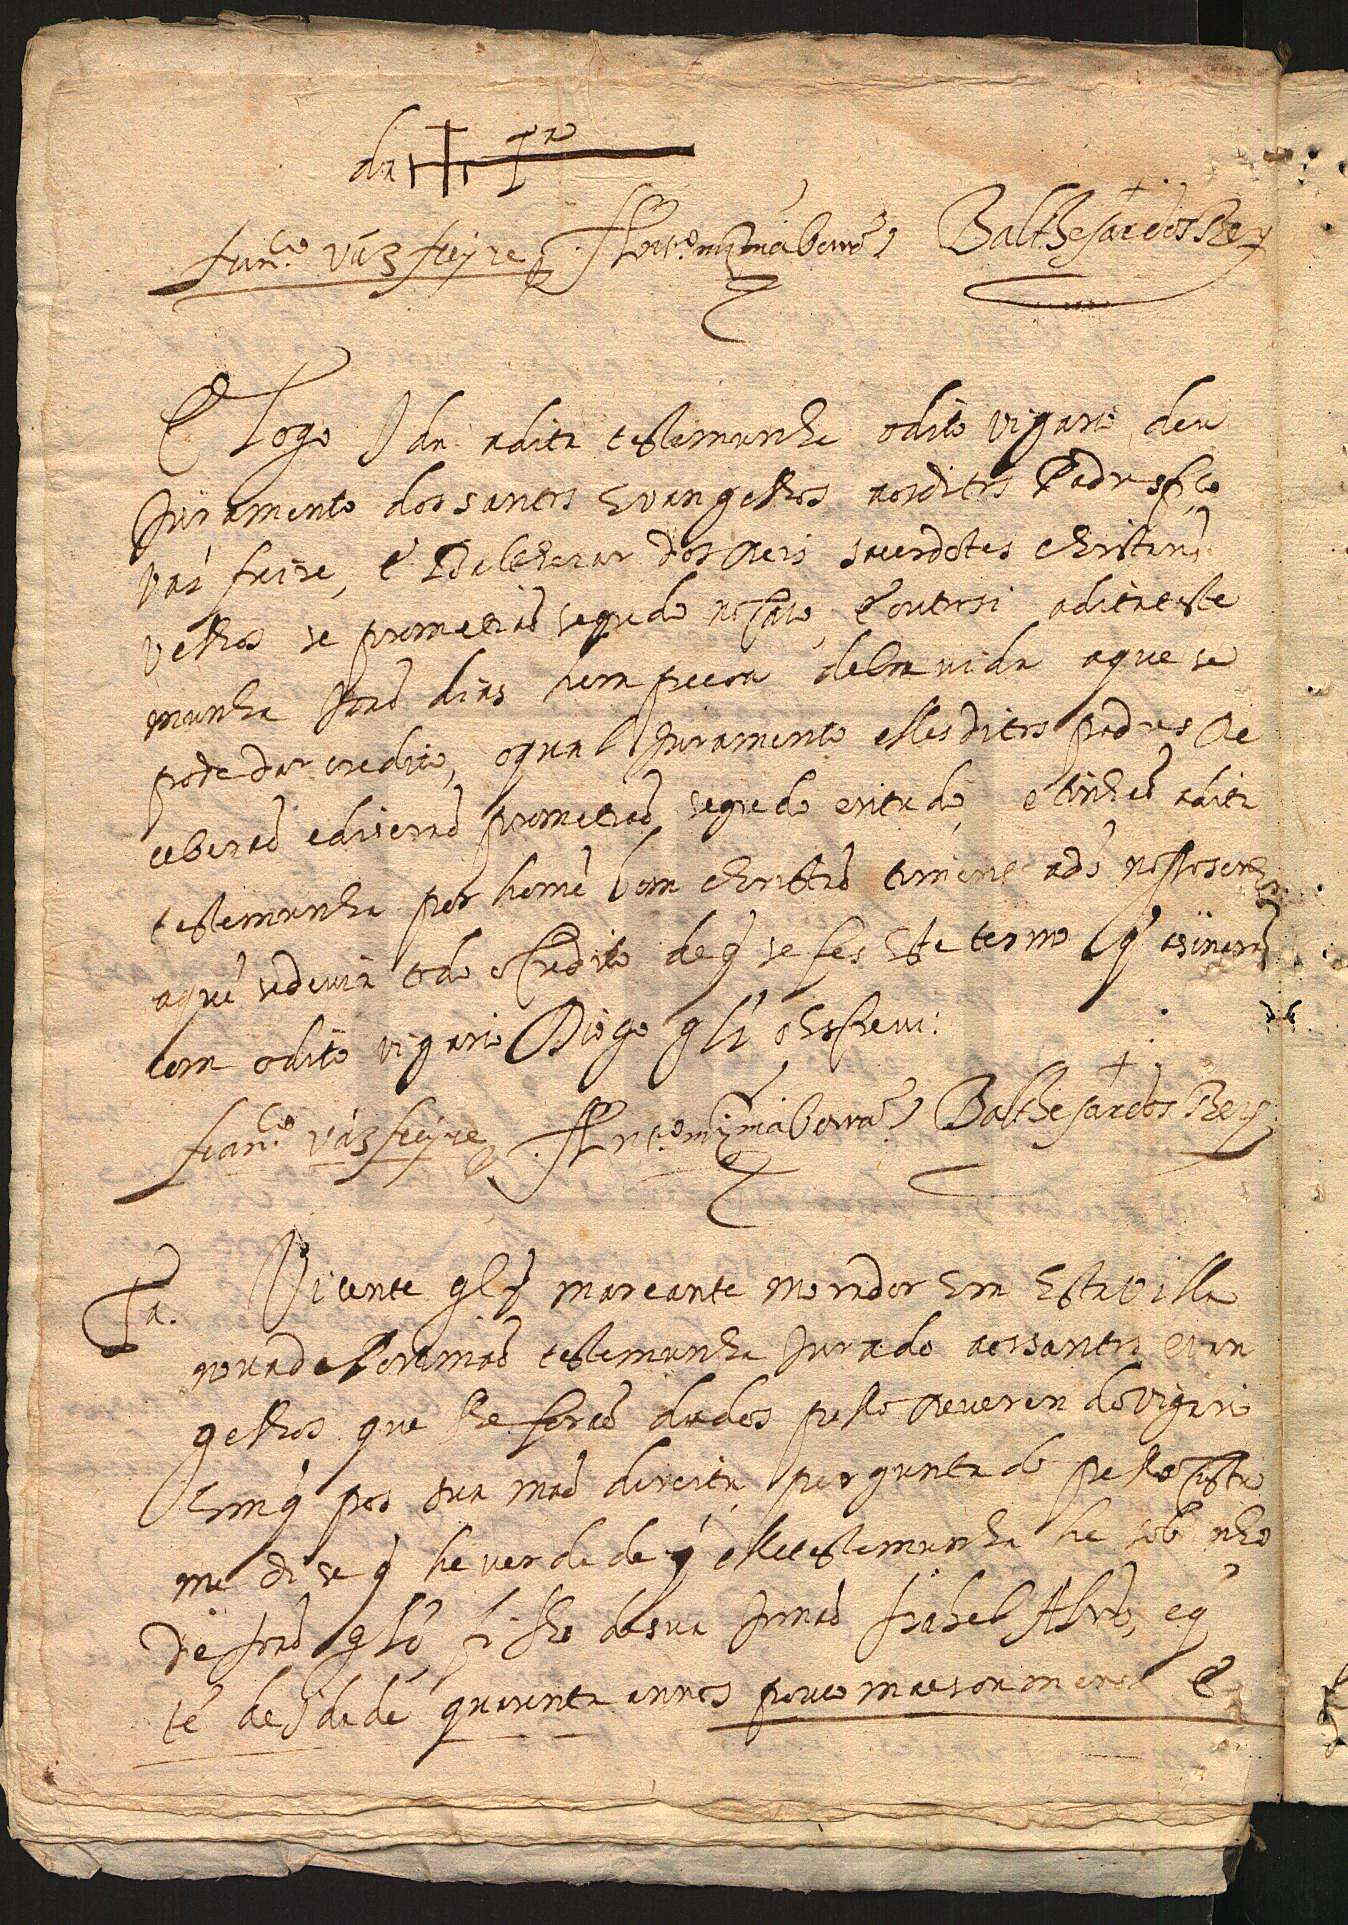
& Logo Ida a dita testemunha o dito vigario deu
Juramento dos santos Evangelhos aos ditos Padre frco
vaz freire, e Balthazar dos Reis sacerdotes christans
velhos se prometiaõ segredo no Caso, e outrosi a dita teste
munha Joaõ dias hera pecoa de boa uida a que se
pode dar credito, o qual Juramento elles ditos padres Re
ceberaõ e diseraõ prometiaõ segredo em tudo, e tinhaõ a dita
testemunha por homē bom christaõ temente a ds̄ nosso senr̄
a quē se deuia todo o Credito de q̄ se fes este termo q̄ asinaraõ
com o dito vigario Diogo glz̄ o escreui.
Ta. Vicente glz̄ mareante morador Em Esta villa
noua de Portimaõ testemunha Jurado aos santos evan
gelhos que lhe foraõ dados pello Reuerendo vigario
Em q̄ pos sua maõ direita perguntado pello Custu
me dise q̄ he uerdade q̄ elle testemunha he sob__nho
de Joaõ glz̄, filho de sua Jrmaõ Jsabel ALvs̄, e q̄
tē de jdade quarenta annos pouco maes ou menos &
